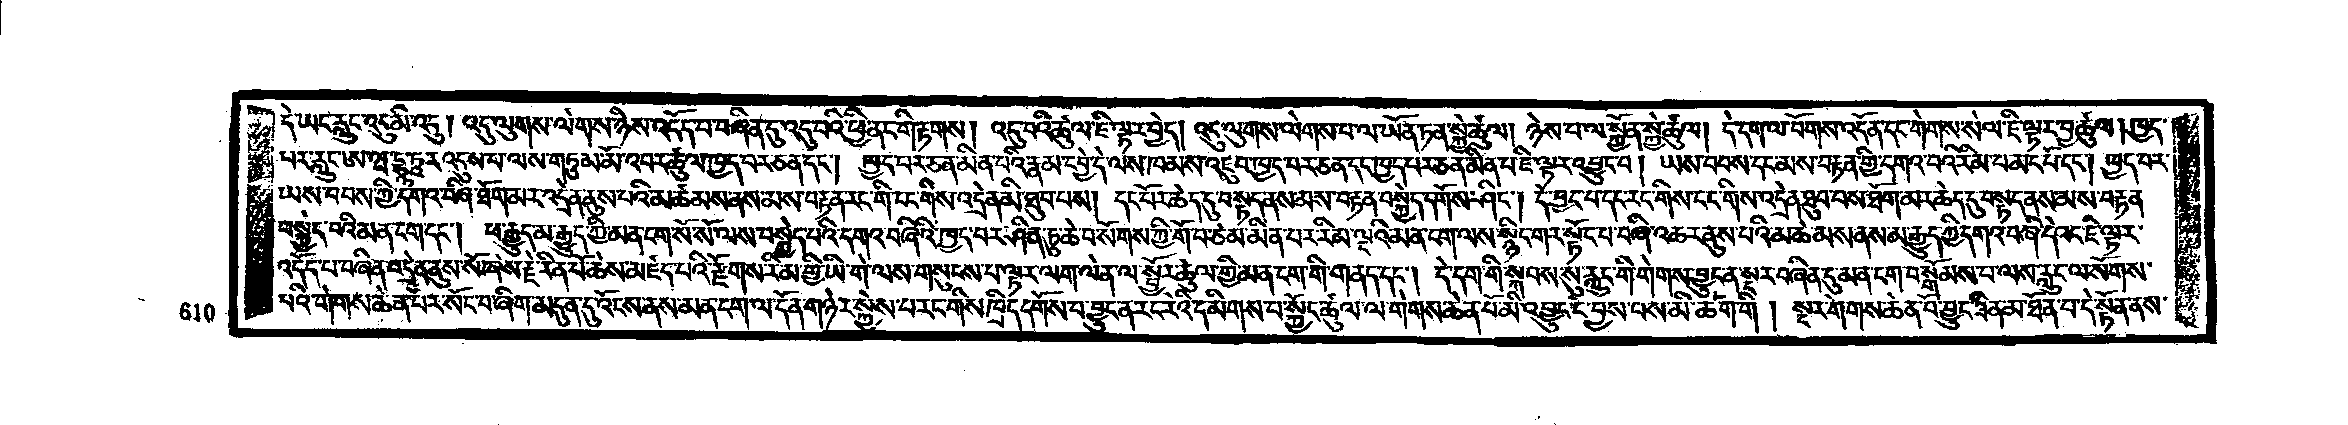དེ་ཡང་རླུང་འདུ་མི་འདུ། འདུ་ལུགས་ལེགས་ཉེས་འདོད་པ་བཞིན་དུ་འདུ་བའི་ཕྱི་ནང་གི་རྟགས། འདུ་བའི་ཚུལ་ཇི་ལྟར་བྱེད་འདུ་ལུགས་ལེགས་པ་ལ་ཡོན་ཏན་སྐྱེ་ཚུལ། ཉེས་པ་ལ་སྐྱོན་སྐྱེ་ཚུལ། དེ་དག་ལ་བོགས་འདོན་དང་གེགས་སེལ་ཇི་ལྟར་བྱ་ཚུལ། ཁྱད་
པར་རླུང་ཨ་ཝ་དྷཱུ་ཏཱིར་འདུས་པ་ལས་གཏུམ་མོ་འབར་ཚུལ་ཁྱད་པར་ཅན་དང་། ཁྱད་པར་ཅན་མིན་པའི་རྣམ་དབྱེ་དེ་ལས་ཁམས་འཇུབ་ཁྱད་པར་ཅན་དང་ཁྱད་པར་ཅན་མིན་པ་ཇི་ལྟར་འབྱུང་བ། ཡས་བབས་དང་མས་བརྟན་གྱི་དགའ་བའི་རིམ་པ་མང་པོ་དང་། ཁྱད་པར་
ཡས་བབས་ཀྱི་དགའ་བཞི་ཐོག་མར་འདྲེན་ནུས་པའི་མཚམས་ནས་མས་བརྟན་རང་གི་ངང་གིས་འདྲེན་མི་ཐུབ་པས། དང་པོར་ཆེད་དུ་བསྟད་ནས་མས་བརྟན་བསྐྱེད་དགོས་ཤིང་། དེ་བྱང་བ་དང་རང་གིས་ངག་གིས་འདྲེན་ཐུབ་པས་ཐོག་མར་ཆེད་དུ་བསྟད་ནས་མས་བརྟན་
བསྐྱེད་པའི་མན་ངག་དང་། པ་རྒྱུད་མ་རྒྱུད་ཀྱི་མན་ངག་སོ་སོ་ལས་བསྐྱེད་པའི་དགའ་བཞིའི་ཁྱད་པར་ཤིན་ཏུ་ཆེ་བ་སོགས་ཀྱི་གོ་བ་ཙམ་མིན་པར་རིམ་ལྔའི་མན་ངག་ལས་སྙིང་གར་སྟོང་པ་བཞི་འཆར་ནུས་པའི་མཚམས་ནས་མ་རྒྱུད་ཀྱི་དགའ་བཞི་དེའང་ཇི་ལྟར་
འདོད་པ་བཞིན་འདྲེན་ནུས་སོ་ཞེས་རྗེ་རིན་པོ་ཆེས་མཛད་པའི་རྫོགས་རིམ་གྱི་ཡི་གེ་ལས་གསུངས་པ་ལྟར་ལག་ལེན་ལ་སྦྱོར་ཚུལ་གྱི་མན་ངག་གི་གནད་དང་། དེ་དག་གི་སྐབས་སུ་རླུང་གི་གེགས་བྱུང་ན་སྔར་བཞིན་དུ་མན་ངག་བསྒོམས་པ་ལས་རླུང་ལ་སོགས་
པའི་གེགས་ཆེན་པོར་སོང་བ་ཞིག་མདུན་དུ་འོངས་ནས་མན་ངག་ལ་དོན་གཉེར་སྐྱེས་པ་རང་གིས་ཁྲིད་དགོས་པ་བྱུང་ན་རང་རེའི་དམིགས་པ་སྐྱོང་ཚུལ་ལ་གེགས་ཆེན་པོ་མི་འབྱུང་ངེ་བྱས་པས་མི་ཆོག་གི །སྔར་གེགས་ཆེན་པོ་བྱུང་ཟིན་མ་ཐོན་པ་དེ་སྟོན་ནས་